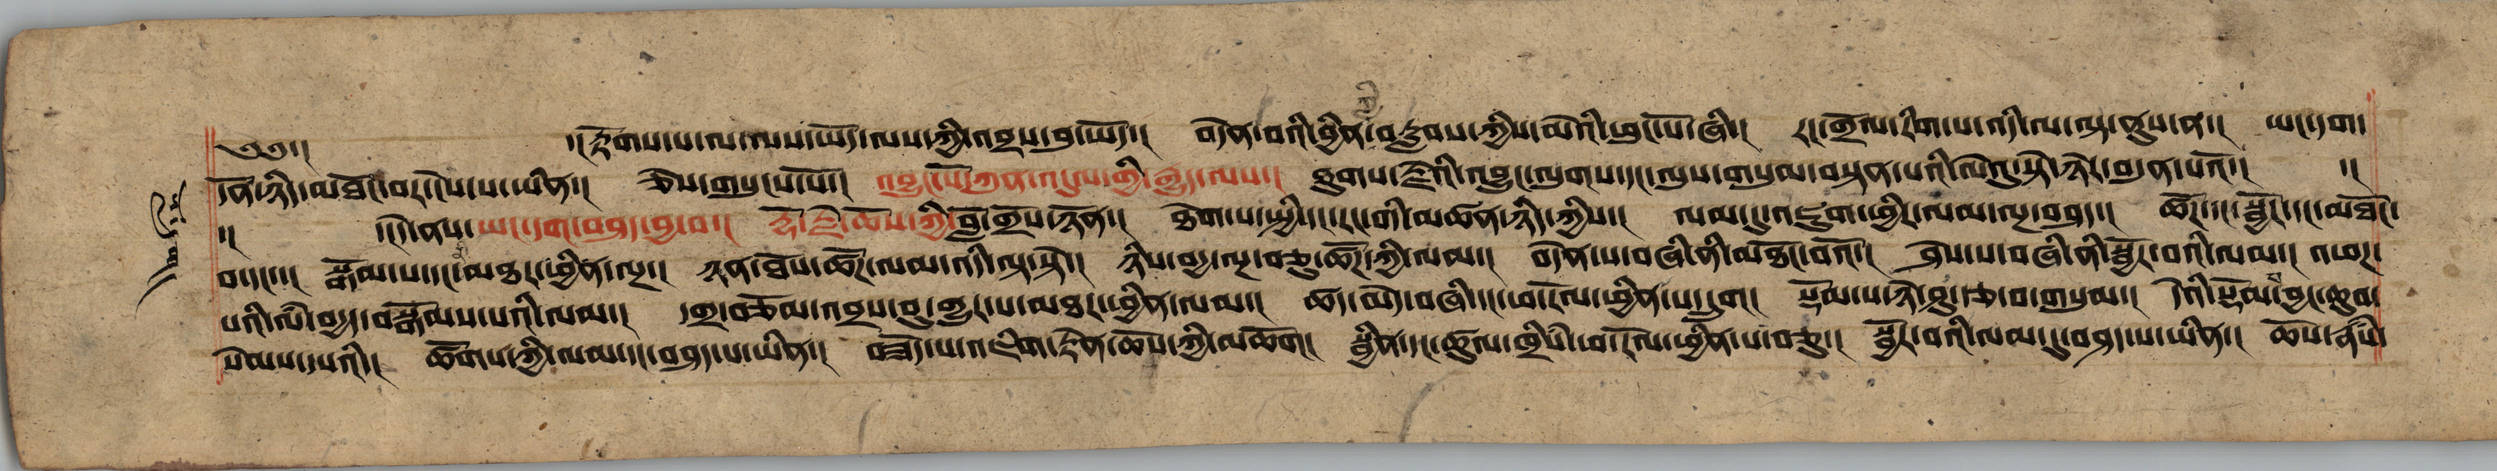༄༅་། ་།རྟོགས་པ་ལ་ལས་ཡོད་ལས་ཀྱི་འབྲས་བུ་ཡོད་། བདེན་པའི་བྱིན་བརླབས་ཀྱིས་མེའི་ཕུང་པོ་ཞི་། རང་གྲོལ་རིག་པ་འདི་ལ་ལྟ་ནུས་ན་། ཡང་དག་
དོན་ཉིད་མཐོང་བར་ངེས་པ་ཡིན་། ཅེས་གསུངས་སོ་། འབྱུང་པོ་ཀུན་འདུལ་གྱི་རྒྱུད་ལས་། ཐུགས་རྗེའི་འབྱུང་ལུགས་དང་ལུས་གསུམ་བསྟན་པའི་ལེའུ་སྟེ་ཉེར་བདུན་པའོ་། ་།
་། ་།དེ་ནས་ཡང་དག་བཤད་བྱ་བ་། རྡོ་རྗེ་ཆོས་ཀྱི་བློ་གྲོས་ཉོན་། ཐེག་པ་སྤྱི་དང་རང་གི་མཚན་ཉིད་ཀྱིས་། ལམ་དུ་འཇུག་ཕྱིར་ལམ་ལྔ་བཤད་། ཚོཌ་དང་སྦྱོར་དང་མཐོང་
བ་དང་་། སྒོམ་པ་དང་ནི་མཐར་ཕྱིན་ལྔ་། ཉན་ཐོས་ཚོཌ་ལམ་འདི་ལྟ་སྟེ་། ཉིས་བདྱ་ལྔ་བཅུ་ཚོཌ་ཀྱི་ལམ་། བདེན་པ་བཞི་ནི་མཐོང་བའོ་། ཤེས་པ་བཞི་ནི་སྦྱོར་བའི་ལམ་། འཕཌ་
པའི་ལཾ་བདྱད་བསྒོམས་པའི་ལམ་། དགྲ་བཅོམ་འབྲས་བུ་གྱུར་པ་མཐར་ཕྱིན་ལམ་། ཚད་མེད་བཞི་དང་ཕ་རོལ་ཕྱིན་པ་དྲུག། སྡོམ་པ་ཉེ་ཤུ་རྩ་བ་གསུམ་། དེའི་སྡོམ་པ་བྱང་ཆུབ་
སེམས་དཔའི་། ཚོགས་ཀྱི་ལམ་དང་བཤད་པ་ཡིན་། བཟོད་པ་འཇིག་རྟེན་ཆོས་ཀྱི་མཆོག། སྦྱིན་དང་ཚུལ་ཁྲིཾས་ཕ་རོལ་ཕྱིན་པ་བཅུ་། སྦྱོར་བའི་ལམ་དུ་བཤད་པ་ཡིན་། ཆོས་རྣཾས་